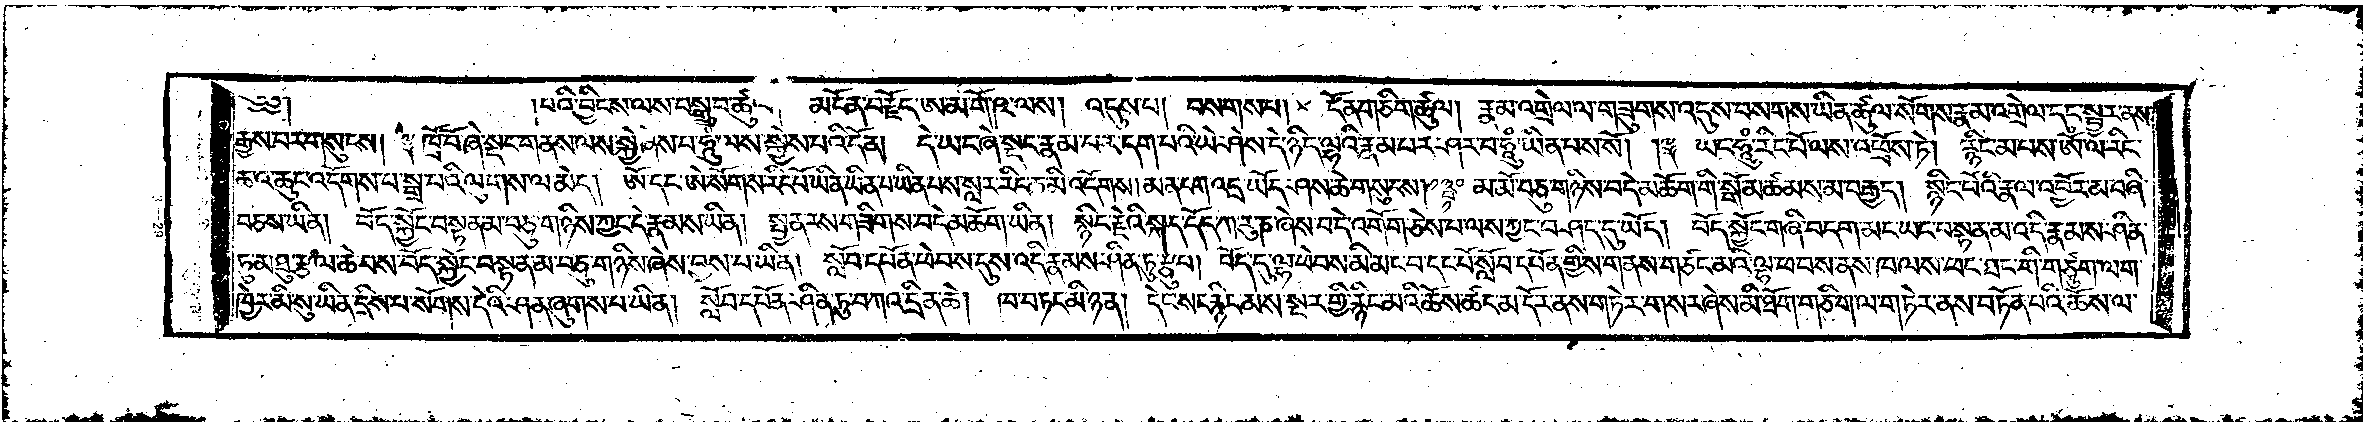༄༅། །པའི་བྱིངས་ལས་བསྒྲུབ་ཚུལ། མངོན་བརྗོད་ཨ་མ་གོ་ཥ་ལས། འདུས་པ། བསགས་པ། ྾་དོན་གཅིག་ཚུལ། རྣམ་འགྲེལ་ལ་གཟུགས་འདུས་བསགས་ཡིན་ཚུལ་སོགས་རྣམ་འགྲེལ་དང་སྦྱར་ནས་
རྒྱས་པར་གསུངས། ༈ ཁྲོ་བོ་ཞེ་སྡང་གནས་ལས་སྐྱེ་ཞེས་པ་ཧཱུཾ་པས་སྐྱེས་པའི་དོན། དེ་ཡང་ཞེ་སྡང་རྣམ་པར་དག་པའི་ཡེ་ཤེས་དེ་ཉིད་ལྷའི་རྣམ་པར་ཤར་པ་ཧཱུཾ་ཡིན་པས་སོ། ། ཡང་ཧཱུཾ་རིང་པོ་ལས་འཕྲོས་ཏེ། རྙིང་མ་པས་ཨོཾ་ལ་རིང་
ཆ་འཆུང་འདོགས་པ་སྒྲ་པའི་ལུགས་ལ་མེད། ཨོ་དང་ཨེ་སོགས་རིང་པོ་ཡིན་ཡིན་པ་ཡིན་པས་སླར་རིང་ཆ་མི་འདོགས་།མན་ངག་འདྲ་ཡོད་ཤས་ཆེ་གསུངས། ༣༠བ༡་མ་མོ་བཅུ་གཉིས་བདེ་མཆོག་གི་སྒོ་མཚམས་མ་བརྒྱད། སྙིང་པོའི་རྣལ་འབྱོར་མ་བཞི་
བཅས་ཡིན། བོད་སྐྱོང་བསྟན་མ་བཅུ་གཉིས་ཀྱང་དེ་རྣམས་ཡིན། སྤྱན་རས་གཟིགས་བདེ་མཆོག་ཡིན། སྙིང་རྗེའི་སྐད་དོད་ཀ་རུཎ་ཞེས་བདེ་འགོག་ཅེས་པ་ལས་ཀྱང་བཤད་དུ་ཡོད། བོད་སྐྱོང་གཞི་བདག་མང་ཡང་བསྟན་མ་འདི་རྣམས་ཤིན་
ཏུ་མཐུ་རྩལ་ཆེ་བས་བོད་སྐྱོང་བསྟན་མ་བཅུ་གཉིས་ཞེས་བྱས་པ་ཡིན། སློབ་དཔོན་ཕེབས་དུས་འདི་རྣམས་ཤིན་ཏུ་རྩུབ། བོད་དུ་ལྷ་ཕེབས་མི་མང་བ་དང་པོ་སློབ་དཔོན་གྱིས་གནས་གཙང་མའི་ལྷ་ཕབས་ནས་ཁ་ལས་ཕང་ཐང་གི་གཙུག་ལག་
ཁྱེར་མི་སུ་ཡིན་དྲིས་པ་སོགས་དེའི་ཤན་ཞུགས་པ་ཡིན། སློབ་དཔོན་ཤིན་ཏུ་བཀའ་དྲིན་ཆེ། ཁ་བཏང་མི་ཉན། དེང་སང་རྙིང་མས་སྔར་གྱི་རྙིང་མའི་ཆོས་ཚང་མ་དོར་ནས་གཏེར་གསར་ཞེས་མི་ཐོག་གཅིག་ལ་གཏེར་ནས་བཏོན་པའི་ཆོས་ལ་